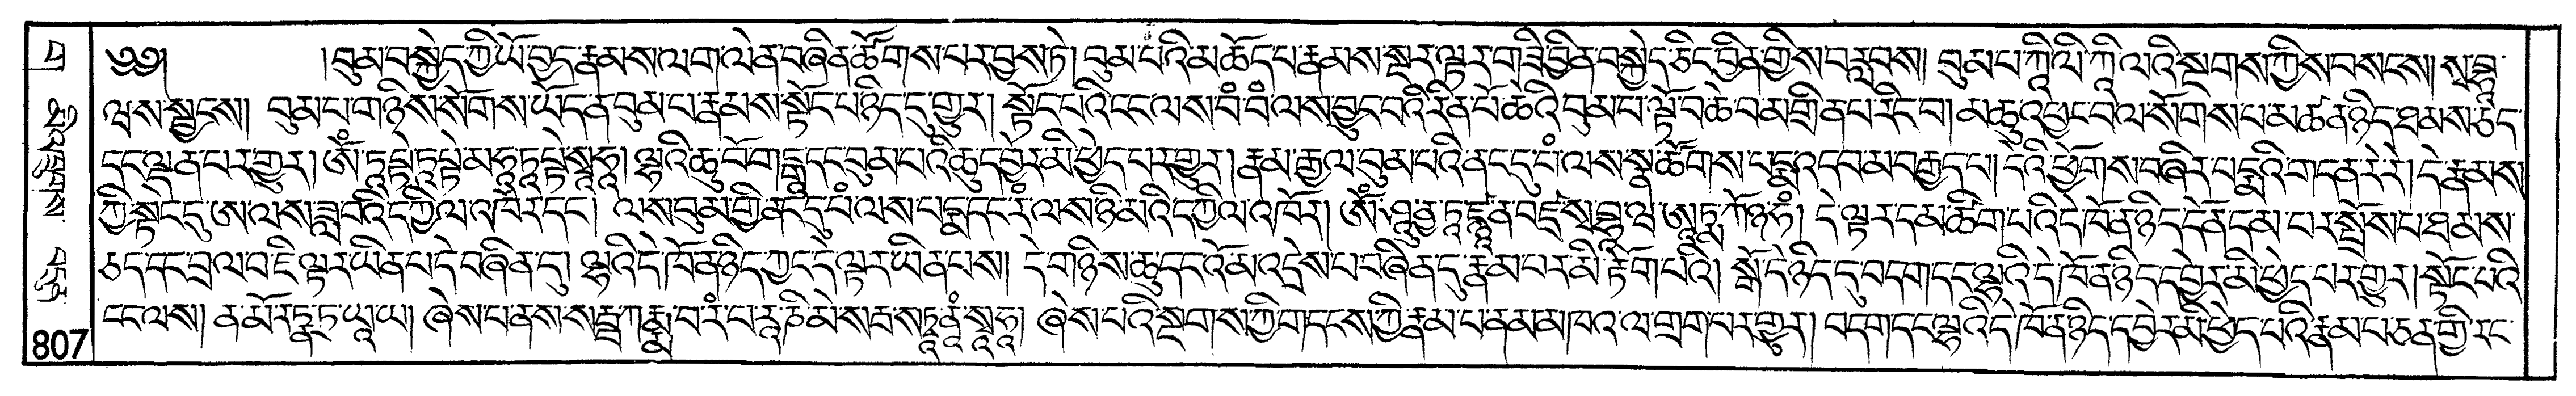༄༅། །བུམ་བསྐྱེད་ཀྱི་ཡོ་བྱད་རྣམས་ལག་ལེན་བཞིན་ཚོགས་པར་བྱས་ཏེ། བུམ་པའི་མཆོད་པ་རྣམས་སྔར་ལྟར་གཟི་བྱིན་བསྐྱེད་ཅིང་བྱིན་གྱིས་བརླབས། བུམ་པ་ཀཱི་ལི་ཀཱི་ལའི་སྔགས་ཀྱིས་བསངས། སྭ་བྷཱ་
ཝས་སྦྱངས། བུམ་པ་གཉིས་སོགས་ཡོད་ན་བུམ་པ་རྣམས་སྟོང་པ་ཉིད་དུ་གྱུར། སྟོང་པའི་ངང་ལས་བཾ་བཾ་ལས་བྱུང་བའི་རིན་པོ་ཆེའི་བུམ་པ་ལྟོ་བ་ཆེ་བ་མགྲིན་པ་རིང་བ། མཆུ་འཕྱང་བ་ལ་སོགས་པ་མཚན་ཉིད་ཐམས་ཅད་
དང་ལྡན་པར་གྱུར། ཨོཾ་ཏཱཔྟེ་ཏཱཔྟེ་མཧཱ་ཏཱཔྟེ་སྭཱཧཱ། ལྷའི་ཆུ་བོ་གངྒཱ་དང་བུམ་པའི་ཆུ་དབྱེར་མི་ཕྱེད་པར་གྱུར། རྣམ་རྒྱལ་བུམ་པའི་ནང་དུ་པཾ་ལས་སྣ་ཚོགས་པདམ་འདབ་མ་བརྒྱད་པ། དེའི་ཕྱོགས་བཞིར་པདམའི་གདན་རེ་རེ། དེ་རྣམས་
ཀྱི་སྟེང་དུ་ཨ་ལས་ཟླ་བའི་དཀྱིལ་འཁོར་དང་། ལས་བུམ་གྱི་ནང་དུ་པཾ་ལས་པདམ་དང་རཾ་ལས་ཉི་མའི་དཀྱིལ་འཁོར། ཨོཾ་ཤཱུ་ནཡ་ཏཱ་ཛྙཱ་ན་བཛྲ་སྭ་བྷཱ་ཝ་ཨཱཏྨ་ཀོཉ་ཧཾ། དེ་ལྟར་དམ་ཚིག་པའི་དེ་ཁོ་ན་ཉིད་དོན་དམ་པར་སྤྲོས་པ་ཐམས་
ཅད་དང་བྲལ་བ་ཇི་ལྟར་ཡིན་པ་དེ་བཞིན་དུ། ལྷའི་དེ་ཁོ་ན་ཉིད་ཀྱང་དེ་ལྟར་ཡིན་པས། དེ་གཉིས་ཆུ་དང་འོ་མ་འདྲེས་པ་བཞིན་དུ་རྣམ་པར་མི་རྟོག་པའི། སྒོ་དེ་ཉིད་དུ་བདག་དང་ལྷའི་དེ་ཁོ་ན་ཉིད་དབྱེར་མི་ཕྱེད་པར་གྱུར། སྟོང་པའི་
ངང་ལས། ན་མོ་རཏྣ་ཏྲ་ཡཱ་ཡ། ཞེས་པ་ནས་སརྦྦ་ཀརྨྨ་པ་རཾ་པ་རཱ་ཎི་མེ་སརྦ་སཏྭཱ་ནཱཾ་སྭཱཧཱ། ཞེས་པའི་སྔགས་ཀྱི་གདངས་ཀྱི་རྣམ་པ་ནམ་མཁའ་ལ་གྲག་པར་གྱུར། བདག་དང་ལྷའི་དེ་ཁོ་ན་ཉིད་དབྱེར་མི་ཕྱེད་པའི་རྣམ་པ་ཅན་གྱི་རང་